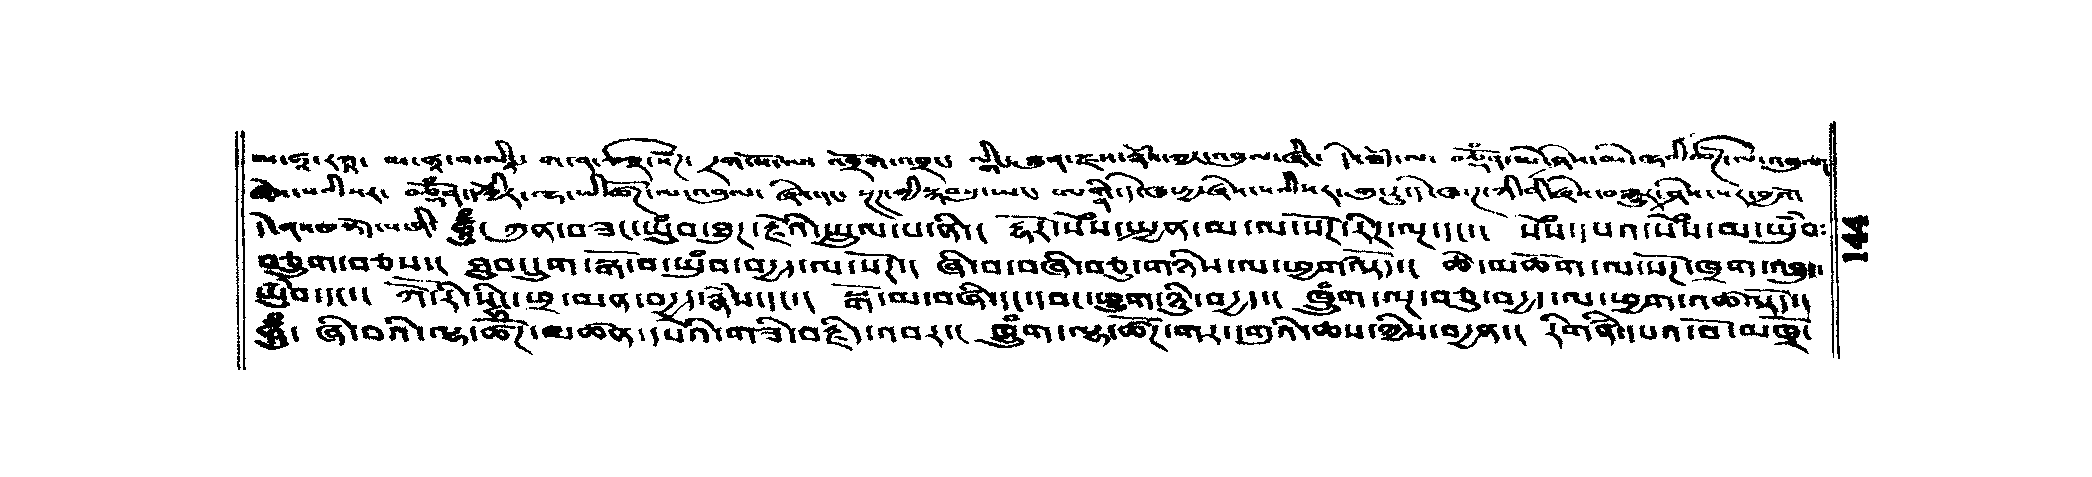མ་ཧཱ་རཀྟ། མ་ཧཱ་བ་ལིངྟ་། ག་ན་ཙཀྲ་སོགས། དྲག་པོ་ལ། འབྲོག་འབྲང་། ལིངྒ་། ཐུན་རྫས་རྣམས་ཀྱང་འབུལ་ཞིང་། དེ་ཐམས་ཅད་ལ། བཅོམ་ལྡན་ཡེ་ཤེས་མེ་ལྷའི་ཚོགས་ལ་འབུལ་
ཞེས་པའི་སར། བཅོམ་ལྡན་དཀྱིལ་འཁོར་ལྷའི་ཚོགས་ལ་འབུལ། ཞེས་དང་། སྔགས་ཀྱི་སྐབས་སུ་ཡང་། ཨགྣི་དེ་ཝ་ཏྱ་ཞེས་པའི་སར་གུ་རུ་དེ་ཝ་ཌ་ཀི་ནི་ཞེས་བསྒྱུར་ཤེས་པར་བྱའོ། 
དེ་ནས་བསྟོད་པ་ནི། ཧཱུྃ། ཀུན་བཟང་ཡབ་ཡུམ་ཐུགས་རྗེའི་སྤྲུལ་པ་ནི། །རྡོར་སེམས་སྤྱན་མ་ལ་སོགས་རིགས་ལྔ་དང་། སེམས་དཔལ་སེམས་དམའ་ཡབ་ཡུམ་
བཅུ་དྲུག་བཅས། །ཐུབ་དྲུག་སྒོ་བ་ཡབ་ཡུམ་བརྒྱད་ལ་སོགས། །ཞི་བ་བཞི་བཅུ་གཉིས་ལ་ཕྱག་འཚལ་བསྟོད། །ཆེ་མཆོག་ལ་སོགས་ཁྲག་འཐུང་
ཡབ་ཡུམ་དང་། ཀཽ་རི་སིངྷ་ཕྲ་མན་བརྒྱད་རྣམས་དང་། ། སྒོ་མ་བཞི་དང་དབང་ཕྱུག་ཉི་ཤུ་བརྒྱད། །ཁྲག་འཐུང་ལྔ་བཅུ་བརྒྱད་ལ་ཕྱག་འཚལ་བསྟོད། །
ཧཱུྃ། ཞི་བའི་ལྷ་ཚོགས་མཚན་དཔེའི་གཟི་བརྗིད་འབར། །ཁྲག་འཐུང་ལྷ་ཚོགས་གར་དགུའི་ཆས་ཀྱིས་བརྒྱན། །རིག་འཛིན་དཔའ་བོ་མཁའ་འགྲོ་